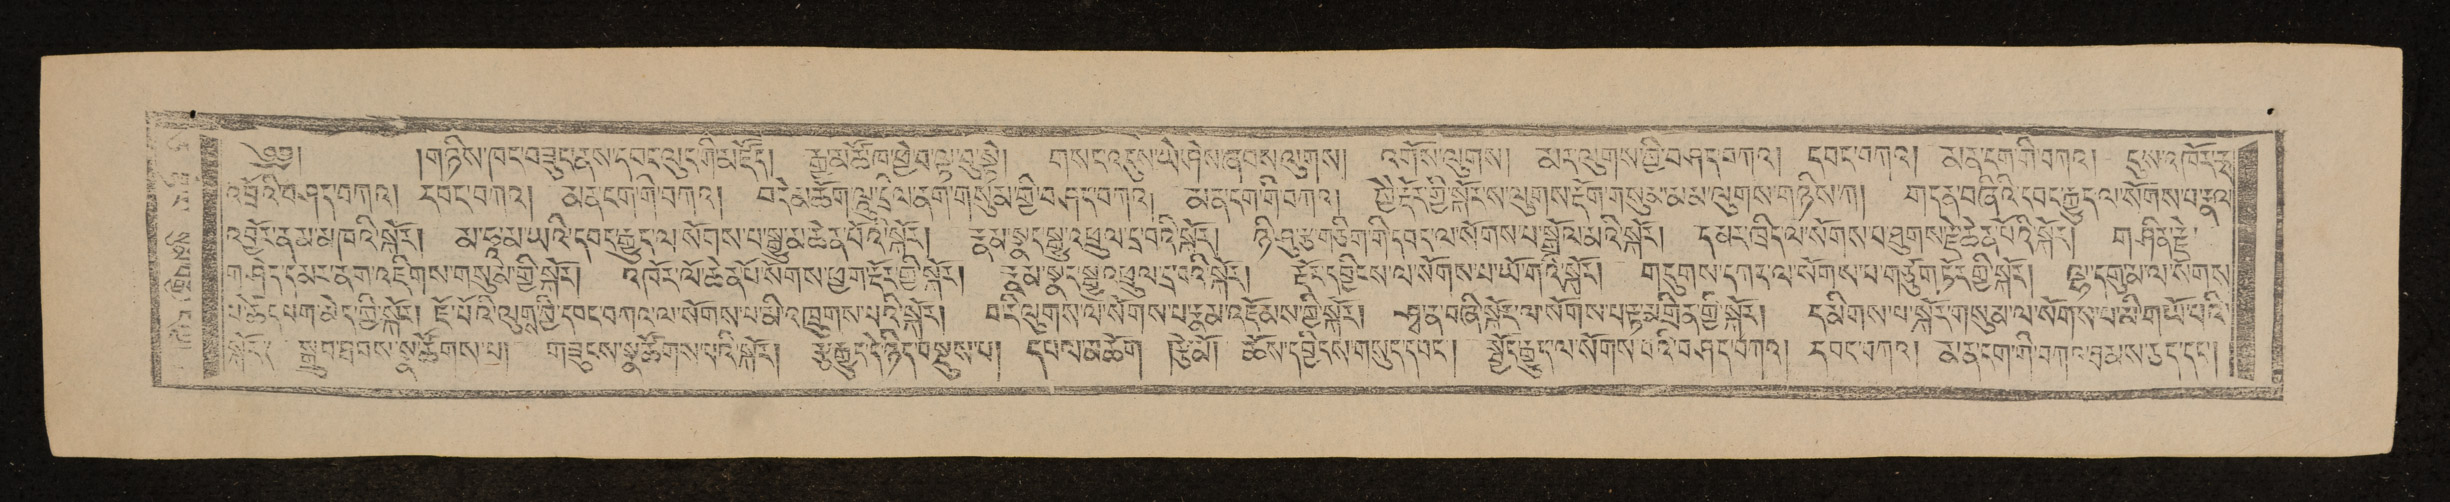༄༅། །གཉིས་ཁང་བཟུང་ནས་དབང་ལུང་གི་མཛོད། རྒྱ་མཚོ་ཁ་ཕྱེ་བ་ལྟ་བུ་སྟེ། གསང་འདུས་ཡེ་ཤེས་ཞབས་ལུགས། འགོས་ལུགས། མར་ལུགས་ཀྱི་བཤད་བཀའ། དབང་བཀའ། མན་ངག་གི་བཀའ། དུས་འཁོར་རྭ་
འབྲོའི་བཤད་བཀའ། དབང་བཀའ། མན་ངག་གི་བཀའ། བདེ་མཆོག་ལཱུ་དྲིལ་ནག་གསུམ་གྱི་བཤད་བཀའ། མན་ངག་གི་བཀའ། ཀྱཻ་རྡོར་གྱི་སྐོར་ས་ལུགས་རྔོག་གསུམ་མམ་ལུགས་གཉིས་ཀ། གདན་བཞིའི་དབང་རྒྱུད་ལ་སོགས་པ་རྣལ་
འབྱོར་ནམ་མཁའི་སྐོར། མ་ཧཱ་མ་ཡའི་དབང་རྒྱུད་ལ་སོགས་པ་སྒྱུ་མ་ཆེན་པོའི་སྐོར། རྣམ་སྣང་སྒྱུ་འཕྲུལ་དྲ་བའི་སྐོར། ཉི་ཤུ་རྩ་གཅིག་གི་དབང་ལ་སོགས་པ་སྒྲོལ་མའི་སྐོར། དམར་ཁྲིད་ལ་སོགས་པ་ཐུགས་རྗེ་ཆེན་པོའི་སྐོར། གཤིན་རྗེ་
གཤེད་དམར་ནག་འཇིགས་གསུམ་གྱི་སྐོར། འཁོར་ལོ་ཆེན་པོ་སོགས་ཕྱག་རྡོར་གྱི་སྐོར། རྣམ་སྣང་སྒྱུ་འཕྲུལ་དྲ་བའི་སྐོར། རྡོར་དབྱིངས་ལ་སོགས་པ་ཡོ་གའི་སྐོར། གདུགས་དཀར་ལ་སོགས་པ་གཙུག་ཏོར་གྱི་སྐོར། ལྷ་དགུ་མ་ལ་སོགས་
པ་ཚེ་དཔག་མེད་ཀྱི་སྐོར། ཇོ་བོའི་ལུགས་ཀྱི་དབང་བཀའ་ལ་སོགས་པ་མི་འཁྲུགས་པའི་སྐོར། བ་རི་ལུགས་ལ་སོགས་པ་རྣམ་འཇོམས་ཀྱི་སྐོར། ཤྭ་ན་བཞི་སྐོར་ལ་སོགས་པ་རྟ་མགྲིན་གྱི་སྐོར། དམིགས་པ་སྐོར་གསུམ་ལ་སོགས་པ་མི་གཡོ་པའི་
སྐོར༑ སྒྲུབ་ཐབས་སྣ་ཚོགས་པ། གཟུངས་སྣ་ཚོགས་པའི་སྐོར། རྩ་རྒྱུད་དེ་ཉིད་བསྡུས་པ། དཔལ་མཆོག །རྩེ་མོ། ཆོས་དབྱིངས་གསུང་དབང་། སྤྱོད་རྒྱུད་ལ་སོགས་པའི་བཤད་བཀའ། དབང་བཀའ། མན་ངག་གི་བཀའ་ཐམས་ཅད་དང་།